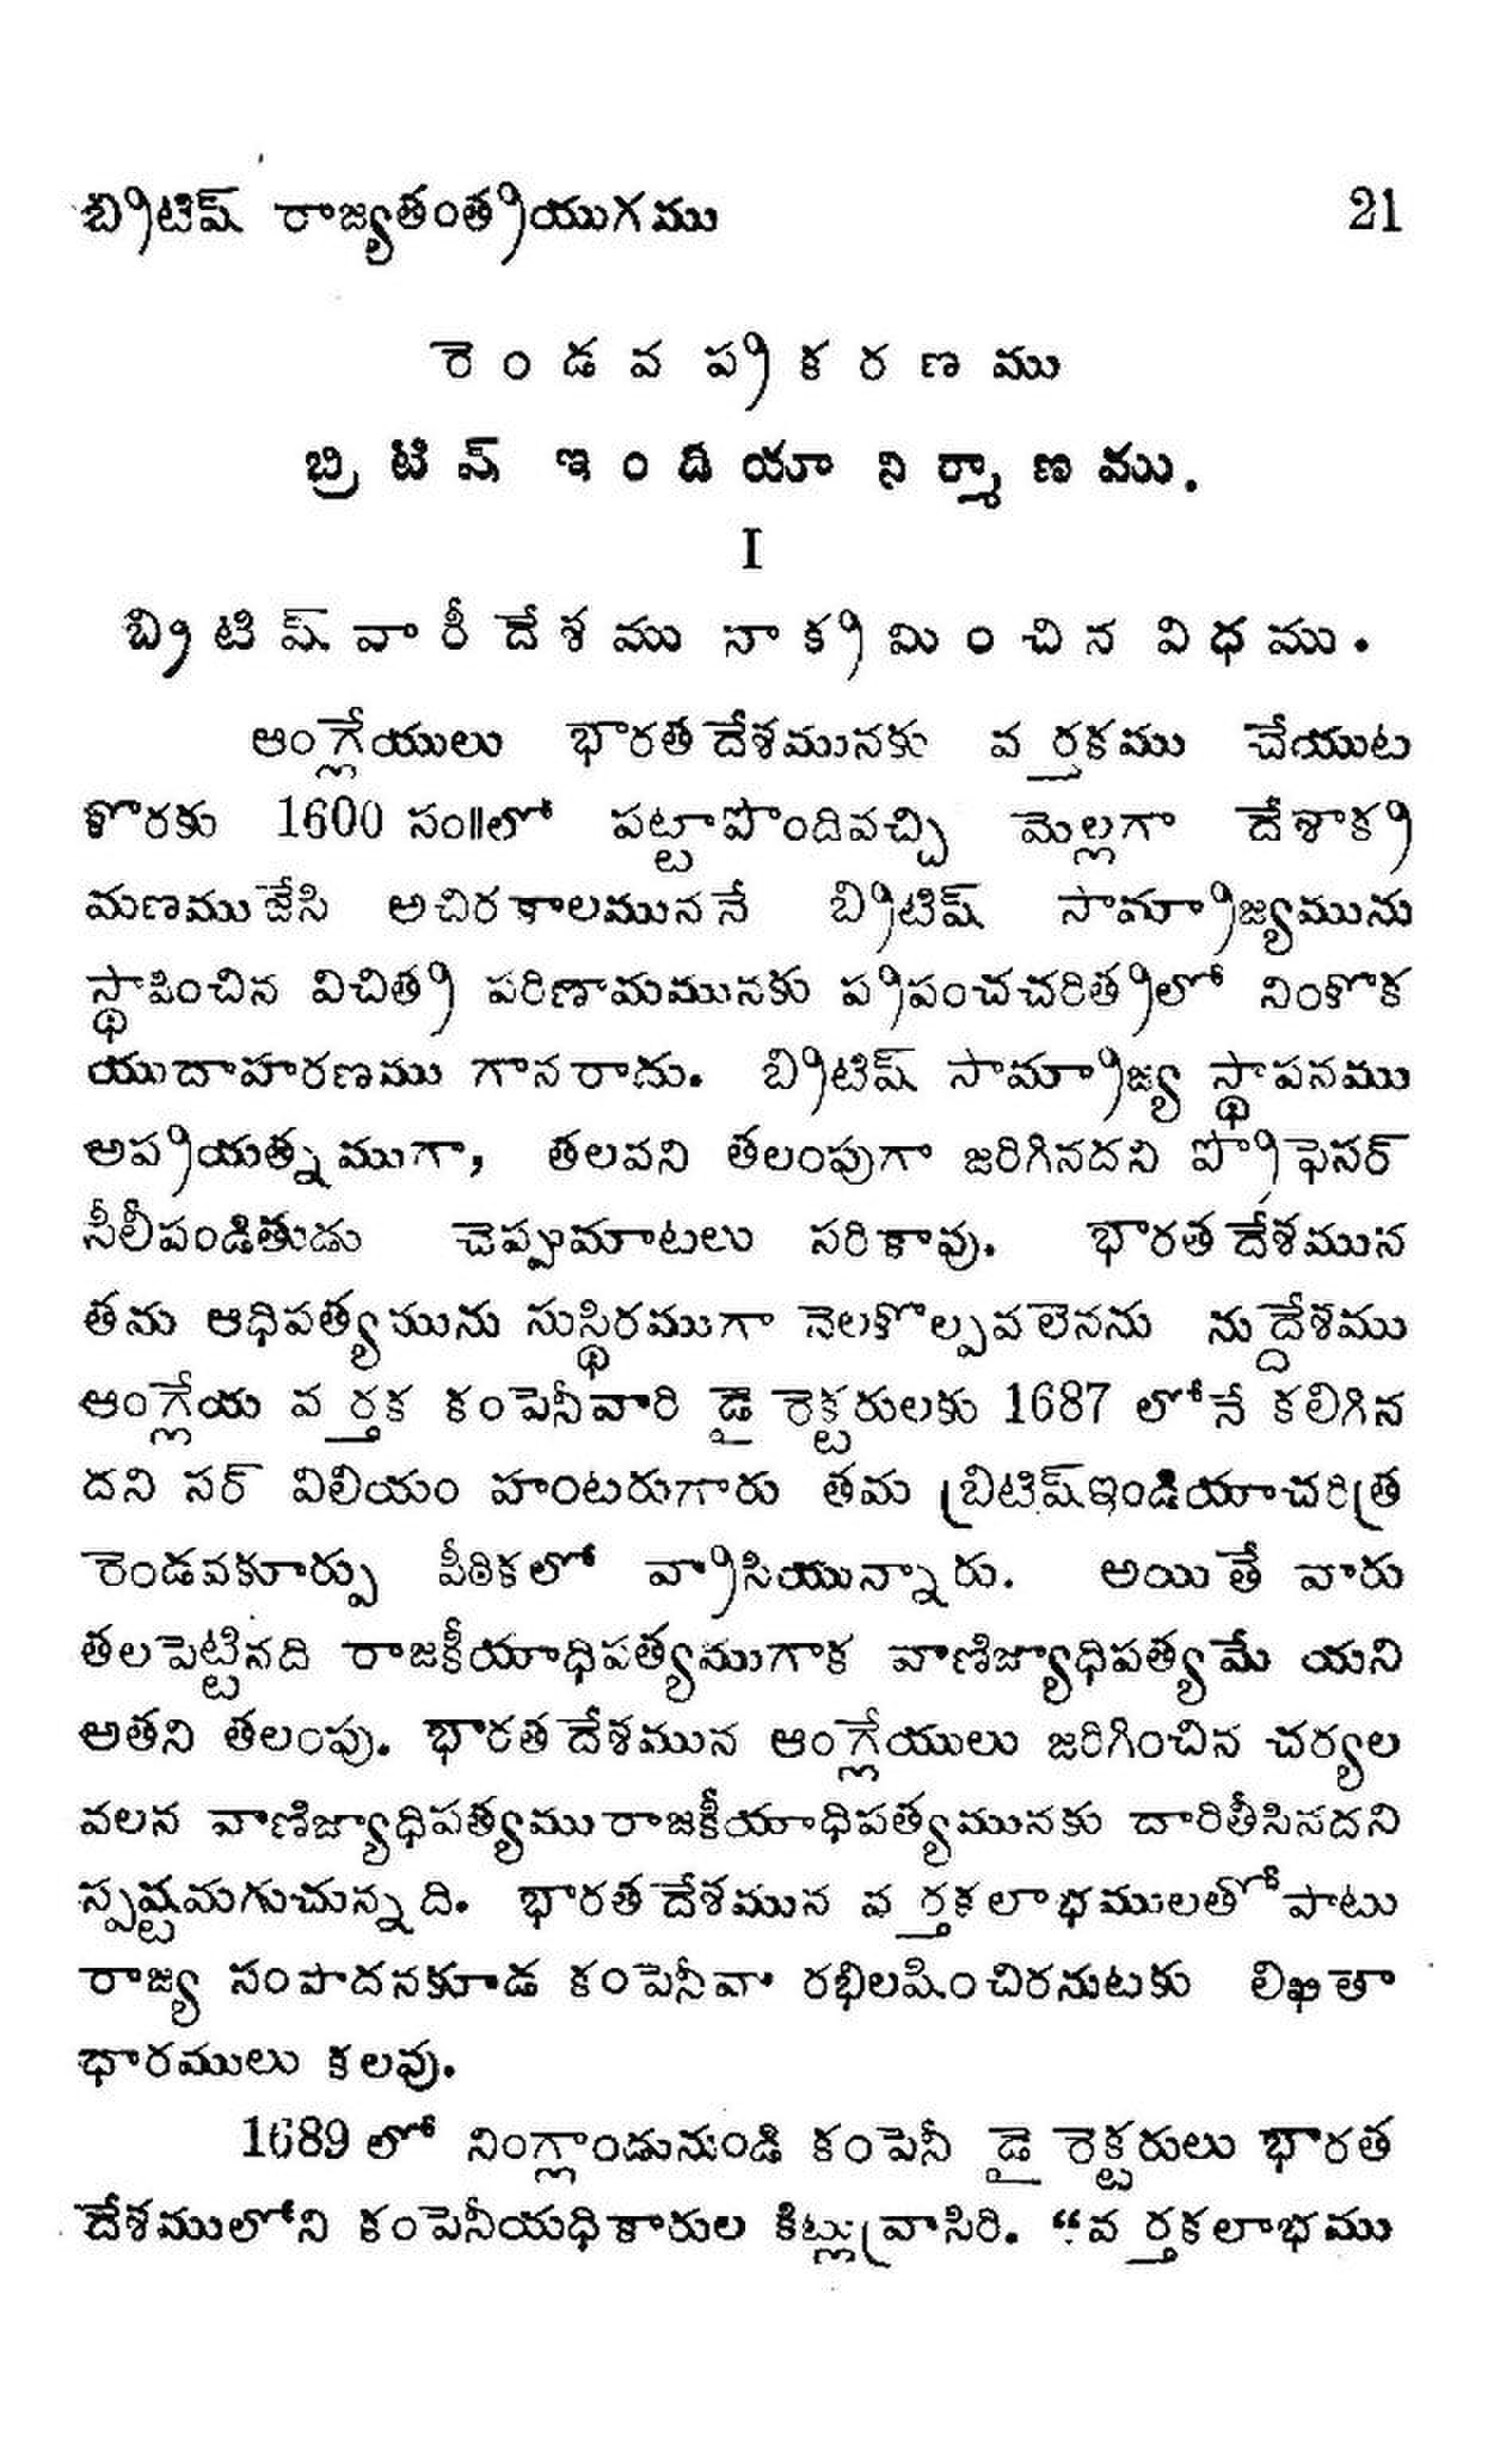రెండవ ప్రకరణము 

బ్రిటిష్ ఇండియా నిర్మాణము.

I 

బ్రిటిష్ వారీ దేశము నాక్రమించిన విధము.

ఆంగ్లేయులు భారతదేశమునకు వర్తకము చేయుటకొరకు 1600 సం||లో పట్టాపొందివచ్చి మెల్లగా దేశాక్రమణముజేసి అచిరకాలముననే బ్రిటిష్ సామ్రాజ్యమును స్థాపించిన విచిత్ర పరిణామమునకు ప్రపంచచరిత్రలో నింకొక యుదాహరణము గానరాదు. బ్రిటిష్ సామ్రాజ్య స్థాపనము అప్రయత్నముగా, తలవని తలంపుగా జరిగినదని పొఫెసర్ సీలీపండితుడు చెప్పుమాటలు సరికావు. భారతదేశమున తను ఆధిపత్యమును సుస్థిరముగా నెలకొల్పవలెనను నుద్దేశము ఆంగ్లేయ వర్తక కంపెనీవారి డైరెక్టరులకు 1687 లోనే కలిగినదని సర్ విలియం హంటరుగారు తమ బ్రిటిష్ ఇండియాచరిత్ర
రెండవకూర్పు పీఠికలో వ్రాసియున్నారు. అయితే వారు తలపెట్టినది రాజకీయాధిపత్యముగాక వాణిజ్యాధిపత్యమే యని
అతని తలంపు. భారతదేశమున ఆంగ్లేయులు జరిగించిన చర్యల వలన వాణిజ్యాధిపత్యము రాజకీయాధిపత్యమునకు దారితీసినదని స్పష్టమగుచున్నది. భారతదేశమున వర్తకలాభములతోపాటు రాజ్య సంపాదనకూడ కంపెనీవా రభిలషించిరనుటకు లిఖితా ధారములు కలవు.

1689 లో నింగ్లాండునుండి కంపెనీ డైరెక్టరులు భారతదేశములోని కంపెనీయధికారుల కిట్లువ్రాసిరి. "వ ర్తకలాభము